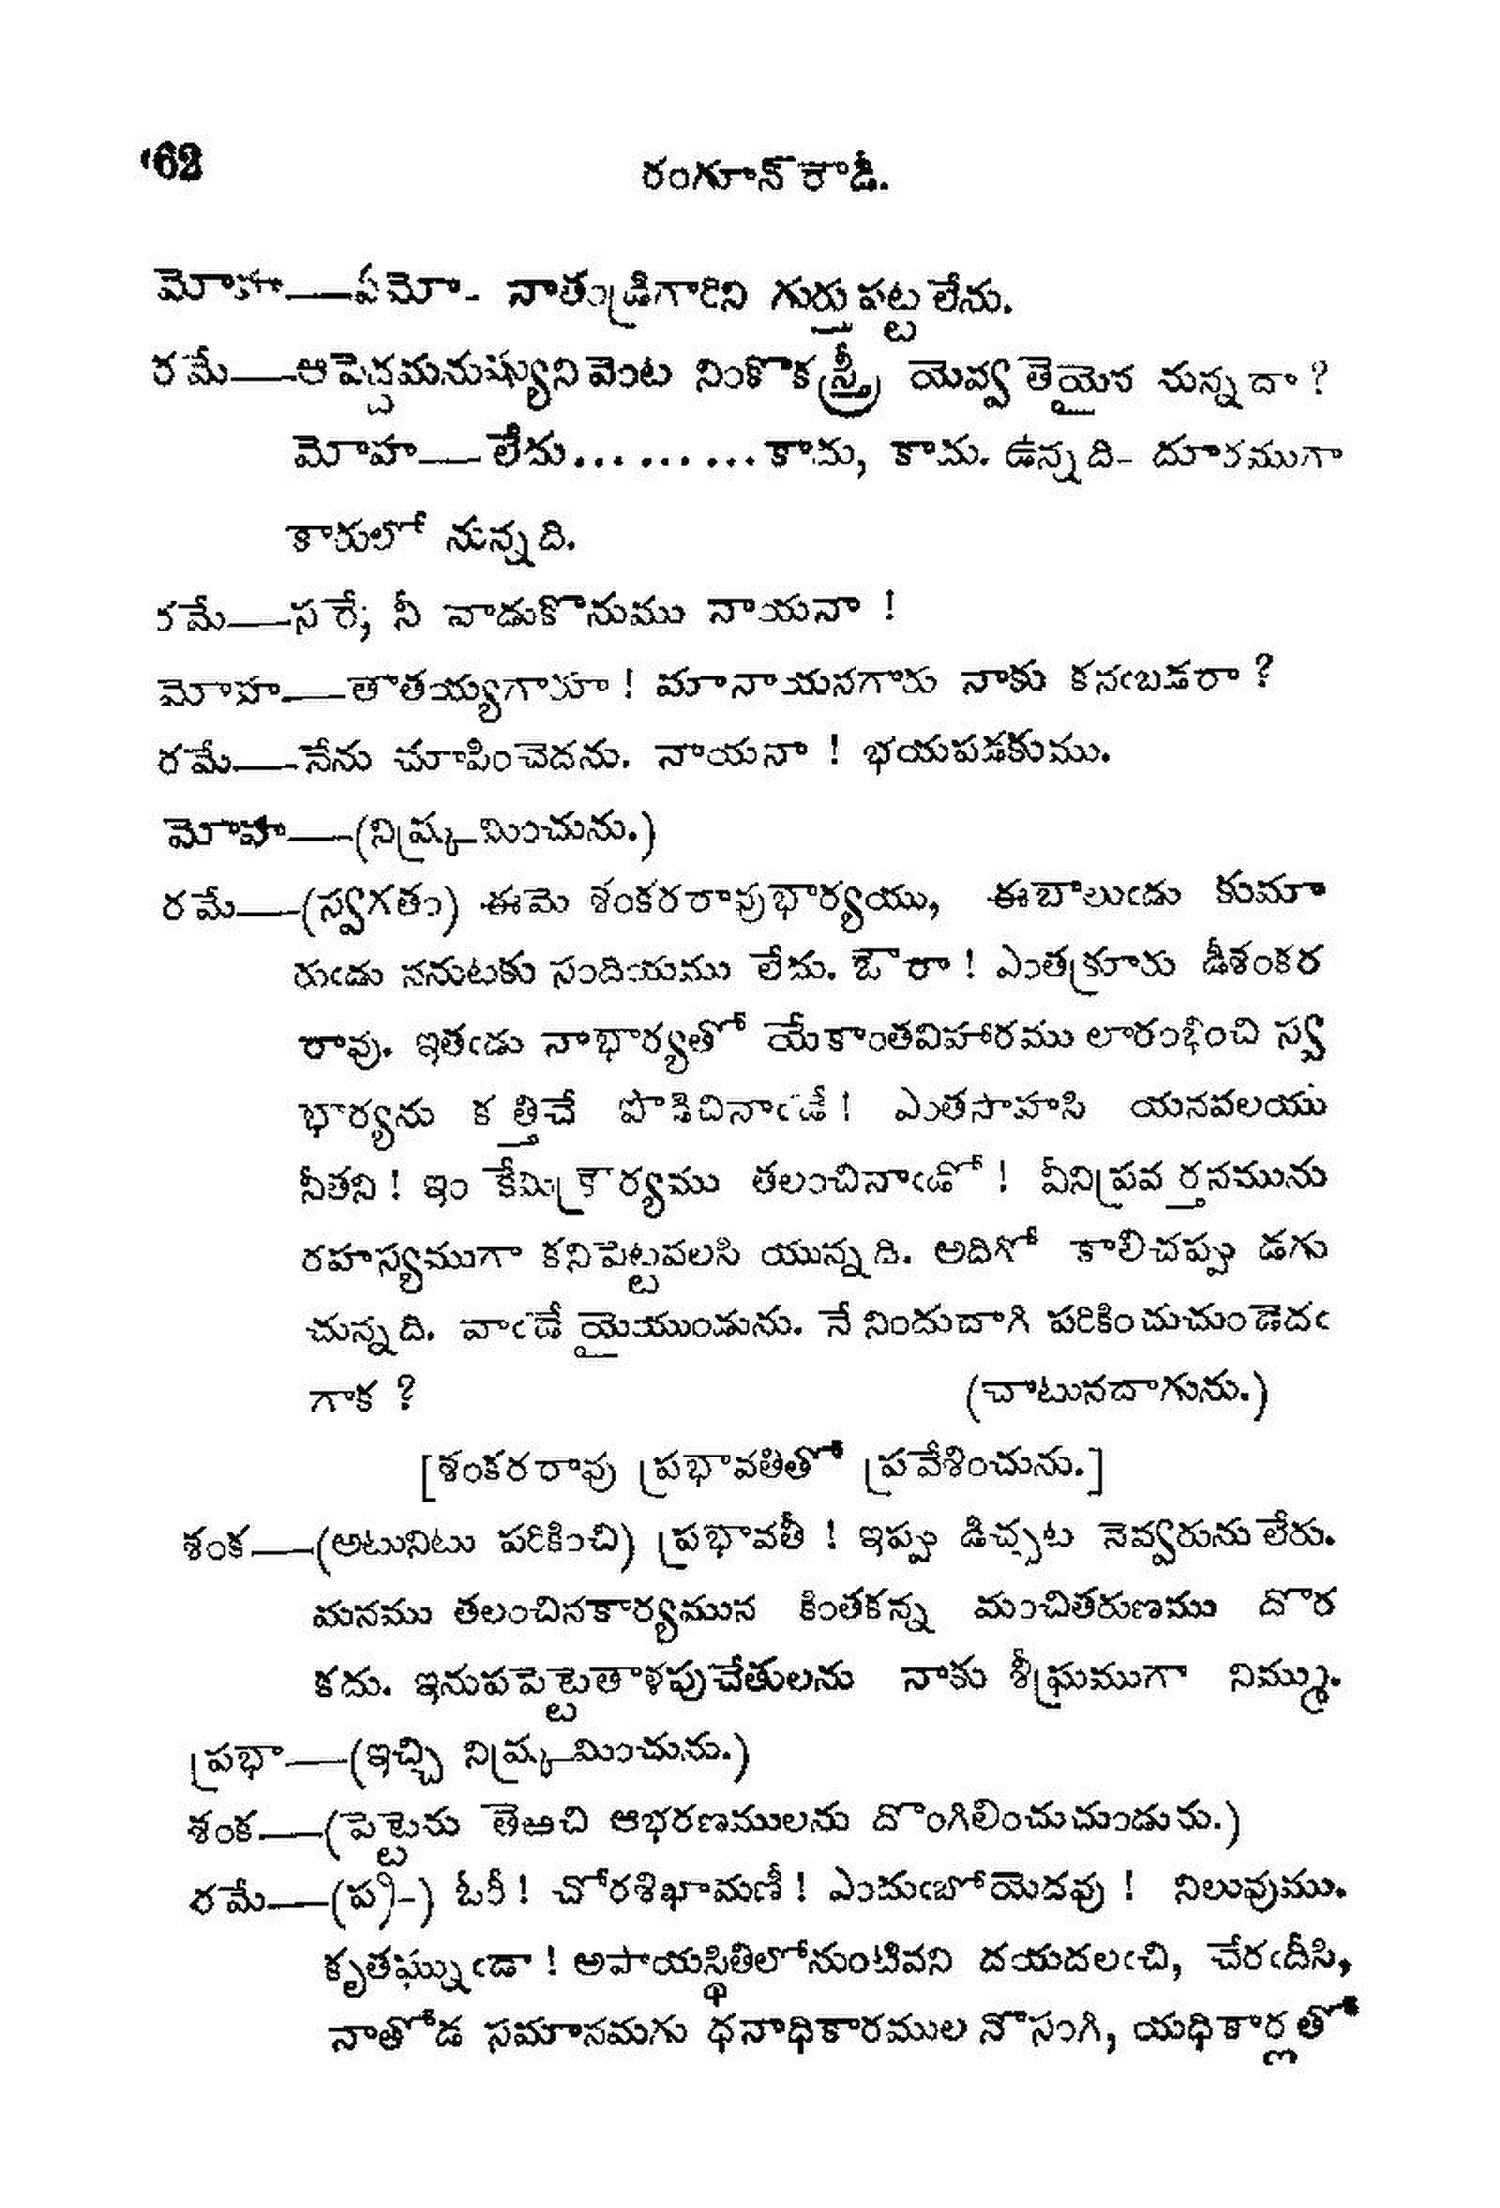మోహ - ఏమో. నాతండ్రిగారిని గుర్తుపట్టలేను.

రమే - ఆపెద్దమనుష్యుని వెంట నింకొకస్త్రీ యెవ్వతెయైన వున్నదా ?

మోహ - లేదు.........కాదు, కాదు. ఉన్నది - దూరముగా కారులో నున్నది.

రమే - సరే; నీ వాడుకొనుము నాయనా !

మోహ - తాతయ్యగారూ ! మానాయనగారు నాకు కనఁబడరా ?

రమే - నేను చూపించెదను. నాయనా ! భయపడకుము.

మోహ —- (నిష్క్రమించును.)

రమే - (స్వగతం) ఈమె శంకరరావుభార్యయు, ఈబాలుఁడు కుమారుఁడు ననుటకు సందియము లేదు. ఔరా ! ఎంతక్రూరు డీశంకరరావు. ఇతఁడు నాభార్యతో యేకాంతవిహారము లారంభించి స్వ
భార్యను కత్తిచే పొడిచినాఁడే ! ఎంతసాహసి యనవలయు నీతని! ఇం కేమిక్రౌర్యము తలంచినాఁడో ! వీనిప్రవర్తనమును రహస్యముగా కనిపెట్టవలసి యున్నది. అదిగో కాలిచప్పు డగుచున్నది. వాఁడే యైయుండును. నే నిందుదాగి పరికించుచుండెదఁ గాక? 

శంక -- (అటునిటు పరికించి) ప్రభావతీ ! ఇప్పు డిచ్చట నెవ్వరును లేరు. మనము తలంచిన కార్యమున కింతకన్న మంచితరుణము దొరకదు. ఇనుపపెట్టెతాళపుచేతులను నాకు శీఘ్రముగా నిమ్ము.

ప్రభా -- (ఇచ్చి నిష్క్రమించును.)

శంక - (పెట్టెను తెఱచి ఆభరణములను దొంగిలించుచుండును.)

రమే - ( ప్ర ) ఓరీ! చోరశిఖామణీ ! ఎందుఁబోయెదవు ! నిలువుము. కృతఘ్నుఁడా అపాయస్థితిలో నుంటివని దయదలఁచి, చేరఁదీసి, నాతోడ సమానమగు ధనాధికారముల నొసంగి, యధికార్లతో